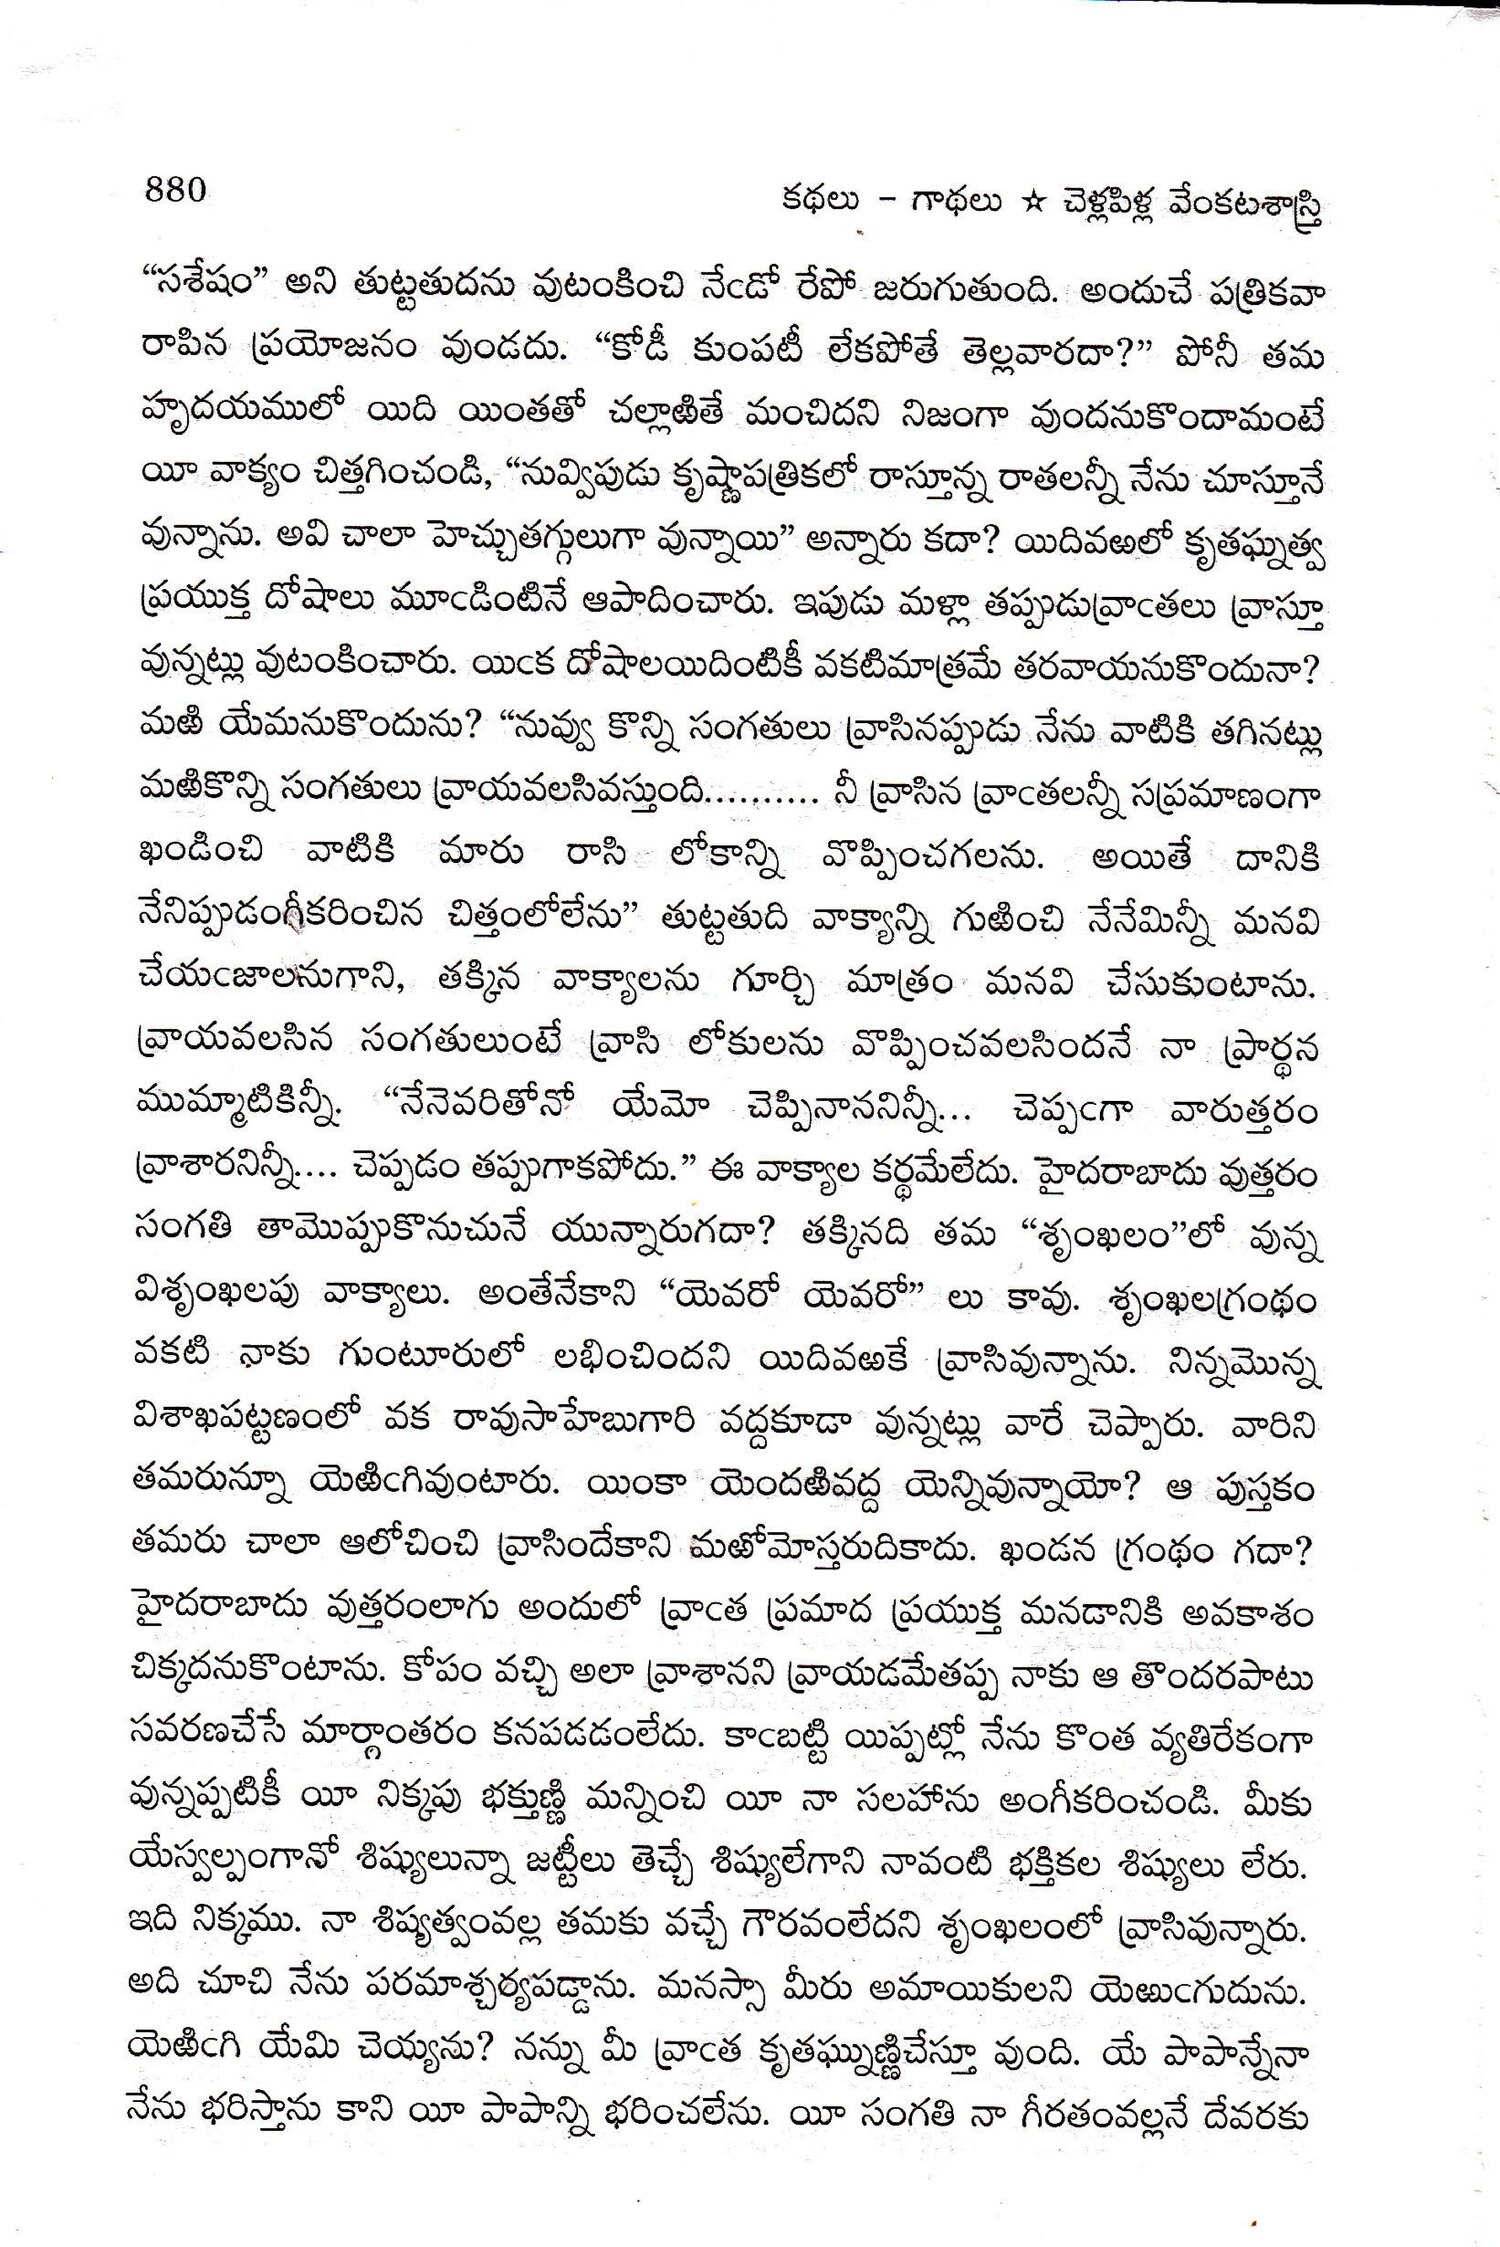“సశేషం" అని తుట్టతుదను వుటంకించి నేఁడో రేపో జరుగుతుంది. అందుచే పత్రికవా రాపిన ప్రయోజనం వుండదు. "కోడీ కుంపటీ లేకపోతే తెల్లవారదా?" పోనీ తమ హృదయములో యిది యింతతో చల్లాఱితే మంచిదని నిజంగా వుందనుకొందామంటే యీ వాక్యం చిత్తగించండి, “నువ్విపుడు కృష్ణాపత్రికలో రాస్తూన్న రాతలన్నీ నేను చూస్తూనే వున్నాను. అవి చాలా హెచ్చుతగ్గులుగా వున్నాయి" అన్నారు కదా? యిదివఱలో కృతఘ్నత్వ ప్రయుక్త దోషాలు మూఁడింటినే ఆపాదించారు. ఇపుడు మళ్లా తప్పుడు వ్రాఁతలు వ్రాస్తూ వున్నట్లు వుటంకించారు. యిఁక దోషాలయిదింటికీ వకటిమాత్రమే తరవాయనుకొందునా? మఱి యేమనుకొందును? “నువ్వు కొన్ని సంగతులు వ్రాసినప్పుడు నేను వాటికి తగినట్లు మఱికొన్ని సంగతులు వ్రాయవలసివస్తుంది.......... నీ వ్రాసిన వ్రాఁతలన్నీ సప్రమాణంగా ఖండించి వాటికి మారు రాసి లోకాన్ని వొప్పించగలను. అయితే దానికి నేనిప్పుడంగీకరించిన చిత్తంలోలేను" తుట్టతుది వాక్యాన్ని గుఱించి నేనేమిన్నీ మనవి చేయఁజాలనుగాని, తక్కిన వాక్యాలను గూర్చి మాత్రం మనవి చేసుకుంటాను. వ్రాయవలసిన సంగతులుంటే వ్రాసి లోకులను వొప్పించవలసిందనే నా ప్రార్ధన ముమ్మాటికిన్నీ “నేనెవరితోనో యేమో చెప్పినాననిన్నీ. చెప్పఁగా వారుత్తరం వ్రాశారనిన్నీ... చెప్పడం తప్పుగాకపోదు." ఈ వాక్యాల కర్థమేలేదు. హైదరాబాదు వుత్తరం సంగతి తామొప్పుకొనుచునే యున్నారుగదా? తక్కినది తమ "శృంఖలం"లో వున్న విశృంఖలపు వాక్యాలు. అంతేనేకాని “యెవరో యెవరో” లు కావు. శృంఖలగ్రంథం వకటి నాకు గుంటూరులో లభించిందని యిదివఱకే వ్రాసివున్నాను. నిన్నమొన్న విశాఖపట్టణంలో వక రావుసాహేబుగారి వద్దకూడా వున్నట్లు వారే చెప్పారు. వారిని తమరున్నూ యెఱిఁగివుంటారు. యింకా యెందఱివద్ద యెన్నివున్నాయో? ఆ పుస్తకం తమరు చాలా ఆలోచించి వ్రాసిందేకాని మఱోమోస్తరుదికాదు. ఖండన గ్రంథం గదా? హైదరాబాదు వుత్తరంలాగు అందులో వ్రాఁత ప్రమాద ప్రయుక్త మనడానికి అవకాశం చిక్కదనుకొంటాను. కోపం వచ్చి అలా వ్రాశానని వ్రాయడమేతప్ప నాకు ఆ తొందరపాటు సవరణచేసే మార్గాంతరం కనపడడంలేదు. కాఁబట్టి యిప్పట్లో నేను కొంత వ్యతిరేకంగా వున్నప్పటికీ యీ నిక్కపు భక్తుణ్ణి మన్నించి యీ నా సలహాను అంగీకరించండి. మీకు యేస్వల్పంగానో శిష్యులున్నా జట్టీలు తెచ్చే శిష్యులేగాని నావంటి భక్తికల శిష్యులు లేరు. ఇది నిక్కము. నా శిష్యత్వంవల్ల తమకు వచ్చే గౌరవంలేదని శృంఖలంలో వ్రాసివున్నారు. అది చూచి నేను పరమాశ్చర్యపడ్డాను. మనస్సా మీరు అమాయికులని యెఱుఁగుదును. యెఱిఁగి యేమి చెయ్యను? నన్ను మీ వ్రాఁత కృతఘ్నుణ్ణిచేస్తూ వుంది. యే పాపాన్నేనా నేను భరిస్తాను కాని యీ పాపాన్ని భరించలేను. యీ సంగతి నా గీరతంవల్లనే దేవరకు